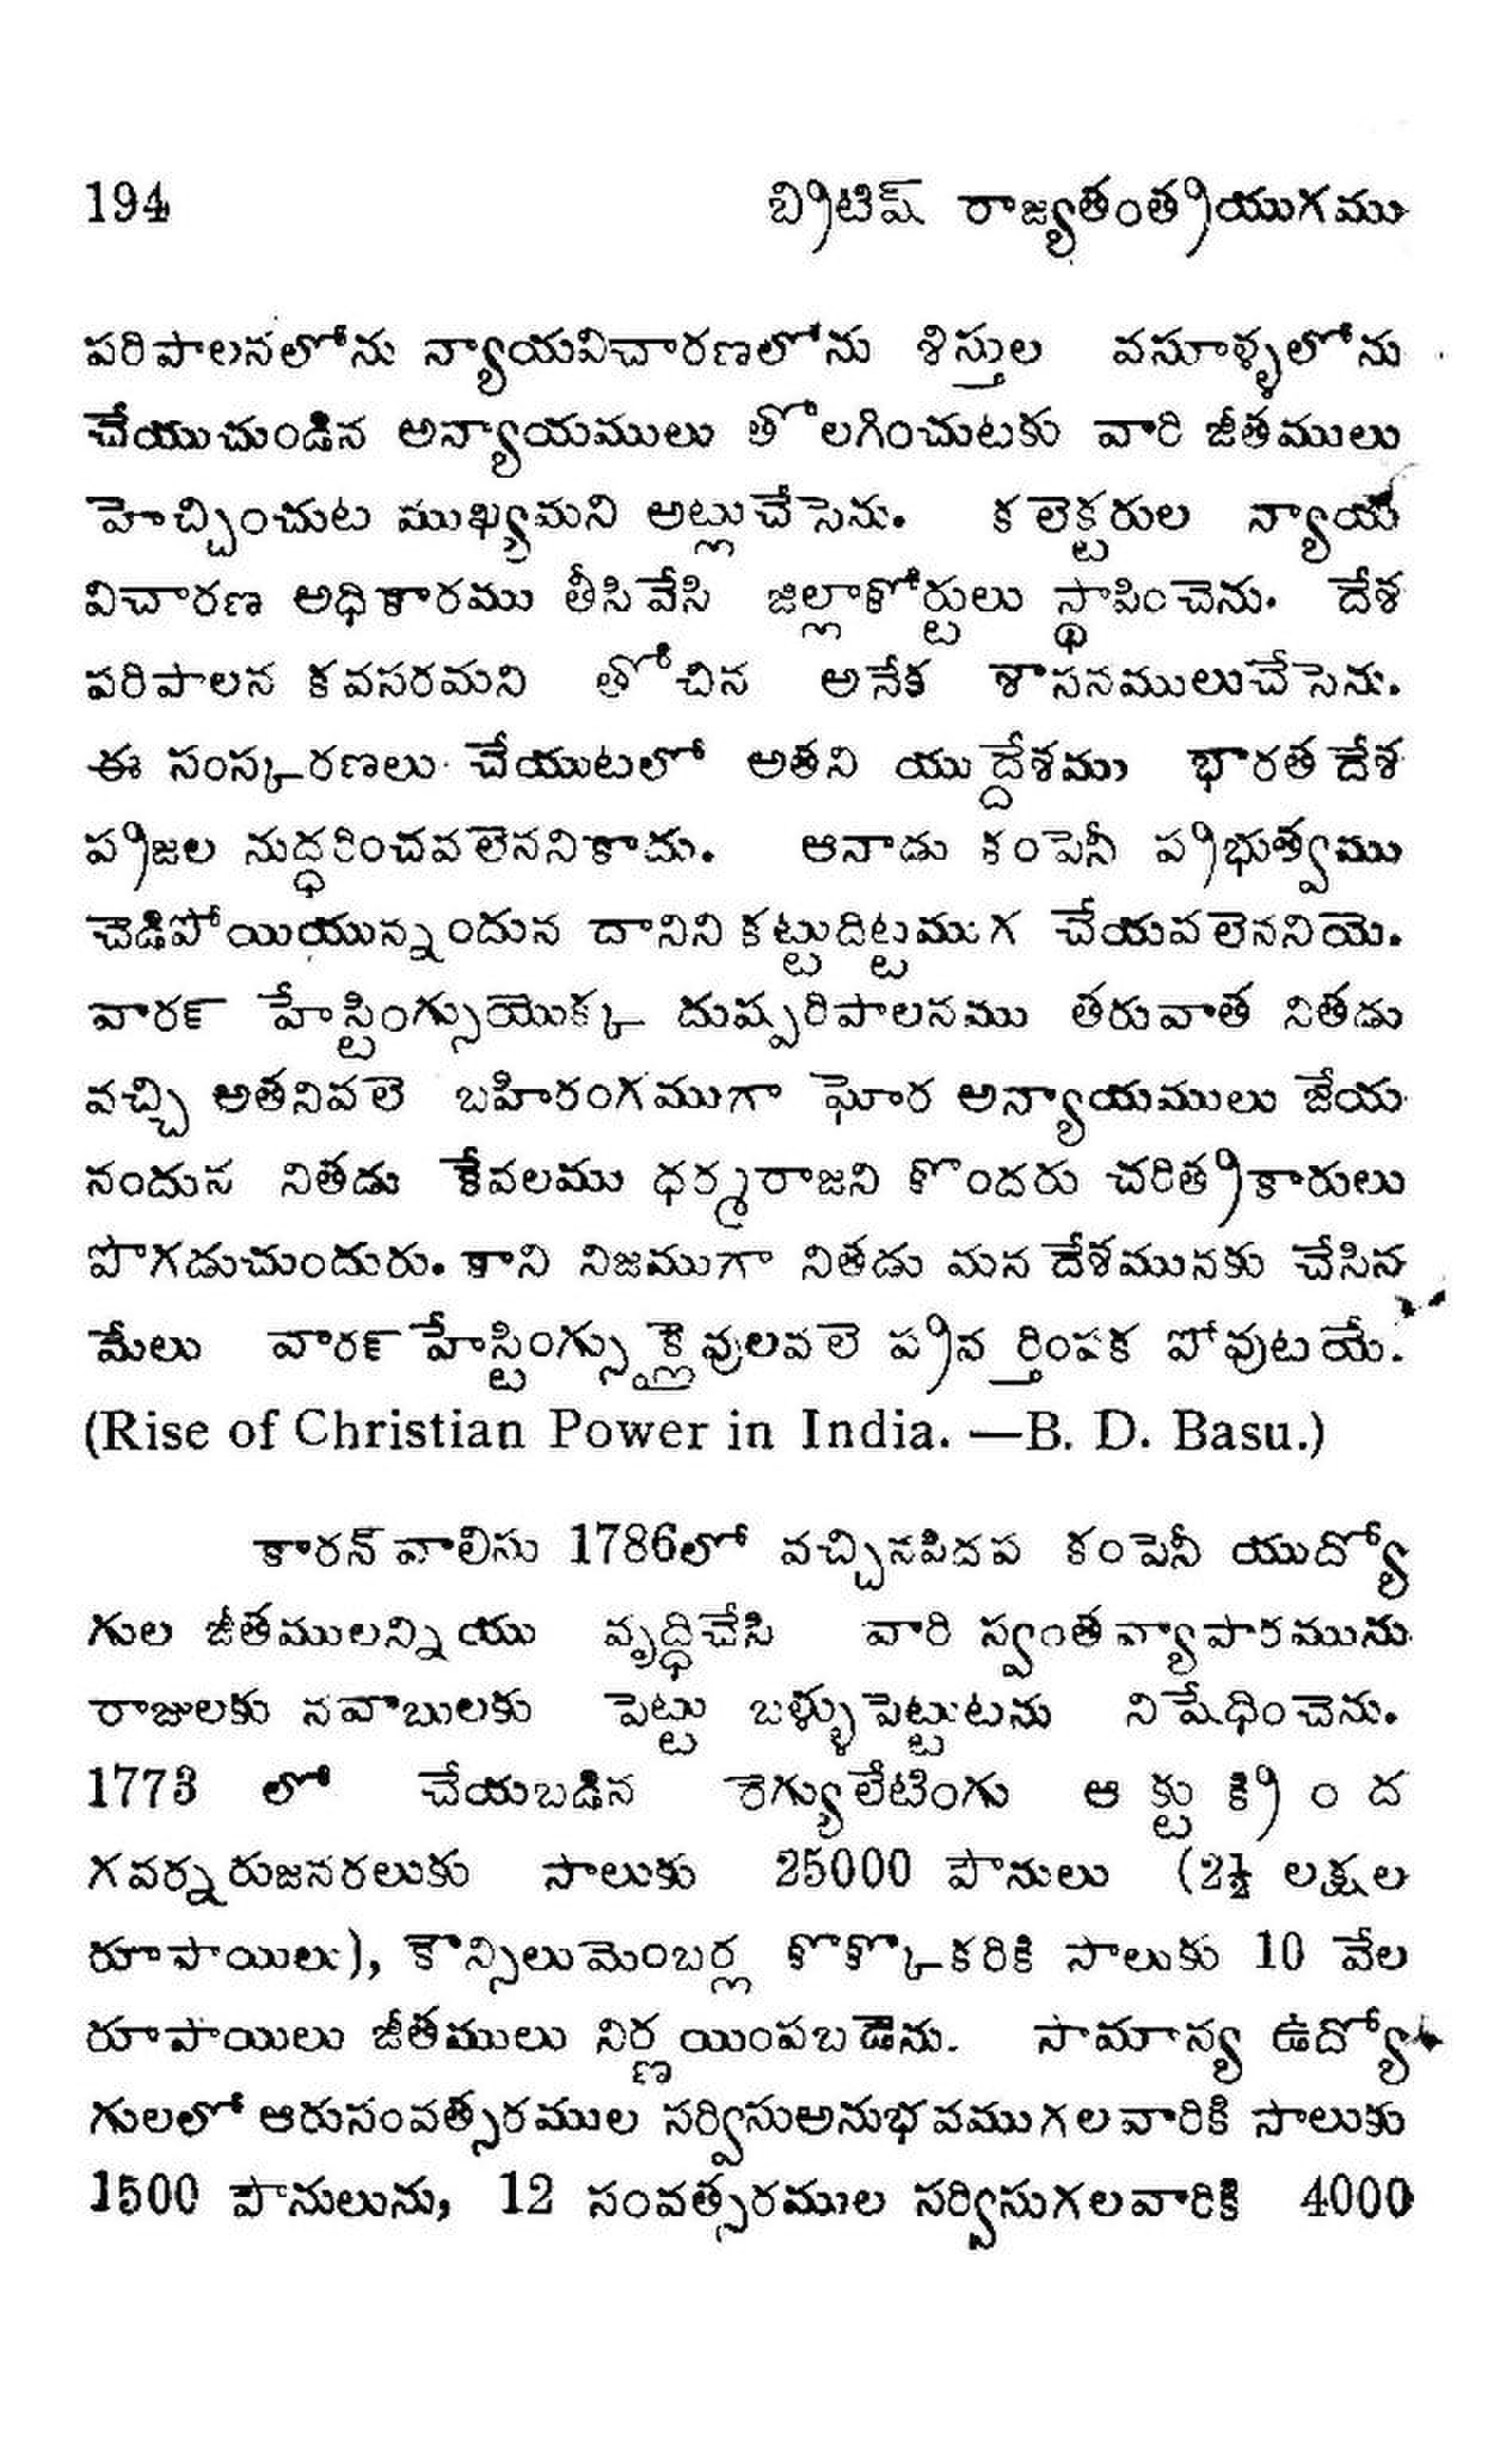పరిపాలనలోను న్యాయవిచారణలోను శిస్తుల వసూళ్ళలోను చేయుచుండిన అన్యాయములు తొలగించుటకు వారి జీతములు హెచ్చించుట ముఖ్యమని అట్లుచేసెను. కలెక్టరుల న్యాయవిచారణ అధికారము తీసివేసి జిల్లాకోర్టులు స్థాపించెను. దేశపరిపాలన కవసరమని తోచిన అనేక శాసనములుచేసెను. ఈ సంస్కరణలు చేయుటలో అతని యుద్దేశము భారతదేశ ప్రజల నుద్దరించవలెననికాదు. ఆనాడు కంపెనీ ప్రభుత్వము చెడిపోయియున్నందున దానిని కట్టుదిట్టముగ చేయవలెననియె. వార౯ హేస్టింగ్సుయొక్క దుష్పరిపాలనము తరువాత నితడు వచ్చి అతనివలె బహిరంగముగా ఘోర అన్యాయములు జేయనందున నితడు కేవలము ధర్మరాజని కొందరు చరిత్రకారులు పొగడుచుందురు. కాని నిజముగా నితడు మన దేశమునకు చేసిన మేలు వార౯ హేస్టింగ్సు క్లైవులవలె ప్రవర్తింపక పోవుటయే." (Rise of Christian Power in India. — B. D. Basu.)

కారన్ వాలిసు 1786లో వచ్చినపిదప కంపెనీ యుద్యోగుల జీతములన్నియు వృద్ధిచేసి వారి స్వంతవ్యాపారమును రాజులకు నవాబులకు పెట్టుబళ్ళుపెట్టుటను నిషేధించెను. 1773 లో చేయబడిన రెగ్యులేటింగు ఆక్టు క్రింద గవర్నరుజనరలుకు సాలుకు 25000 పౌనులు (2 1/2 లక్షల రూపాయిలు'), కౌన్సిలుమెంబర్ల కొక్కొకరికి సాలుకు 10 వేల రూపాయిలు జీతములు నిర్ణయింపబడెను. సామాన్య ఉద్యోగులలో ఆరుసంవత్సరముల సర్వీసుఅనుభవముగల వారికి సాలుకు 1500 పౌనులును, 12 సంవత్సరముల సర్విసుగలవారికి 4000